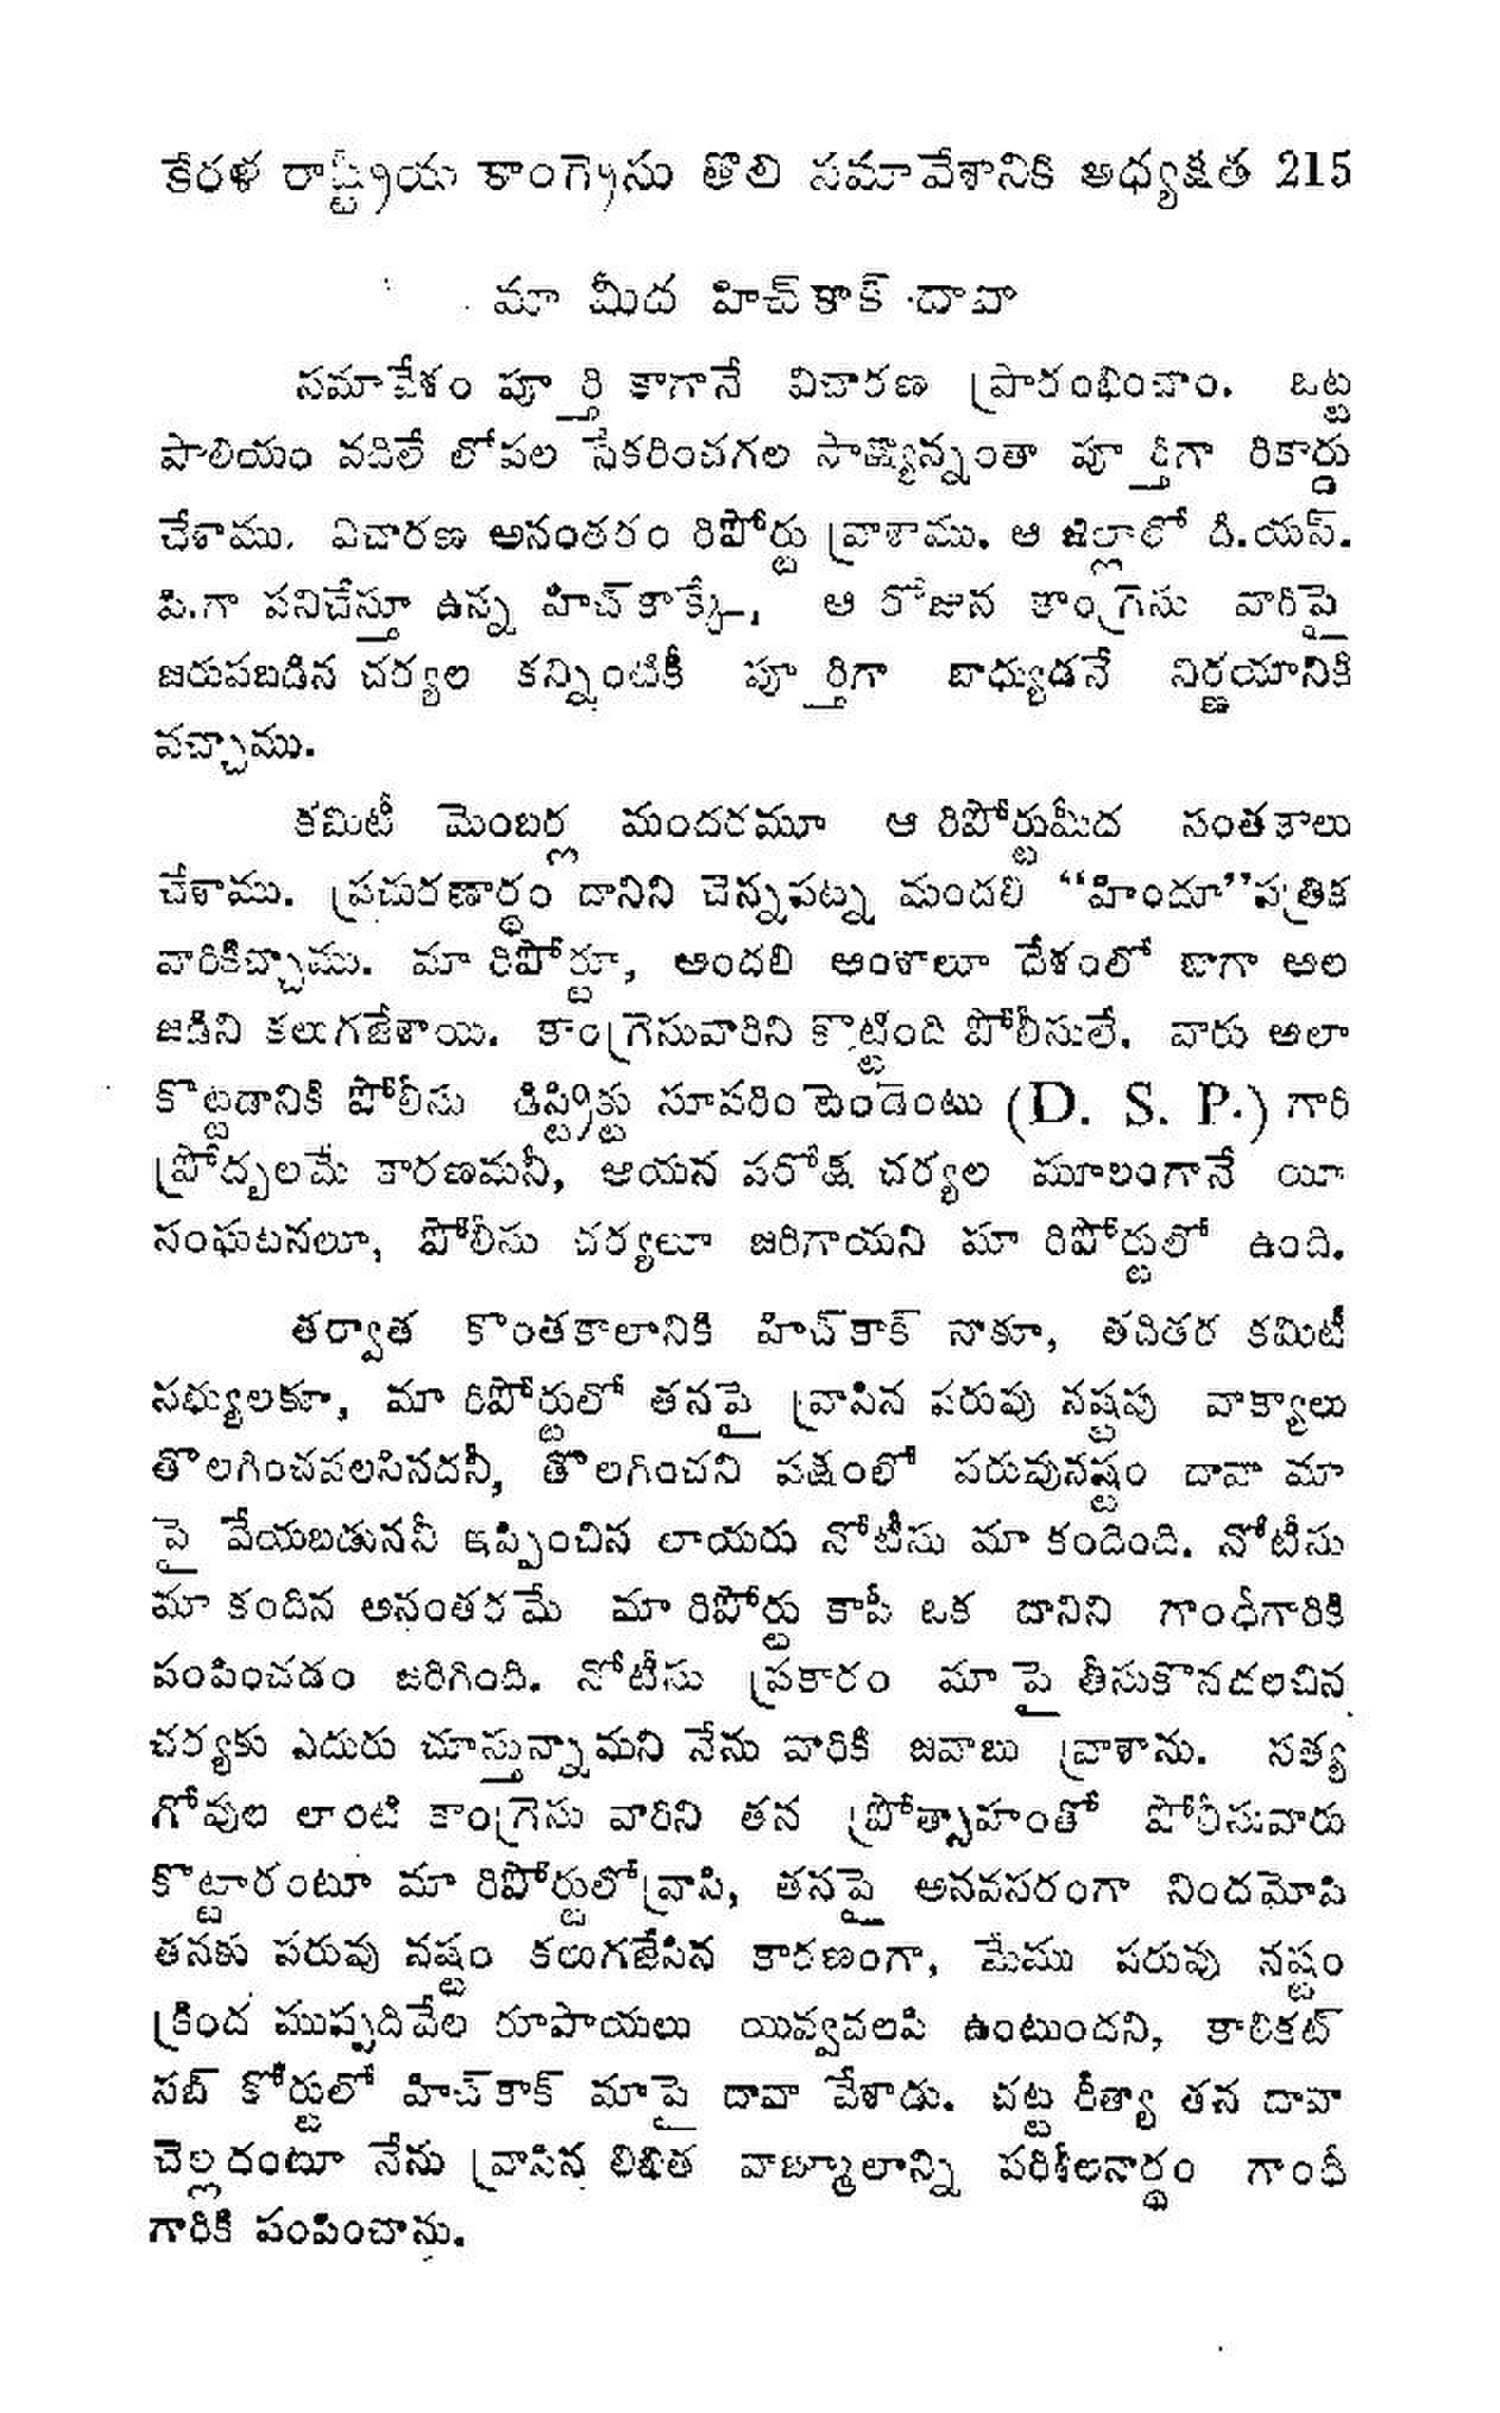సమావేశం పూర్తి కాగానే విచారణ ప్రారంభించాం. ఒట్ట పాలియం వదిలే లోపల సేకరించగల సాక్ష్యాన్నంతా పూర్తిగా రికార్డు చేశాము. విచారణ అనంతరం రిపోర్టు వ్రాశాము. ఆ జిల్లాలో డి.యస్.పి.గాపనిచేస్తూ ఉన్న హిచ్‌కాక్కే, ఆ రోజున కాంగ్రెసు వారిపై జరుపబడిన చర్యల కన్నింటికి పూర్తిగా బాధ్యుడనే నిర్ణయానికి వచ్చాము.

కమిటీ మెంబర్ల మందరమూ ఆ రిపోర్టుమీద సంతకాలు చేశాము. ప్రచురణార్థం దానిని చెన్నపట్న మందలి "హిందూ" పత్రిక వారికిచ్చాము. మా రిపోర్టూ, అందలి అంశాలూ దేశంలో బాగా అలజడిని కలుగజేశాయి. కాంగ్రెసువారిని కొట్టింది పోలీసులే. వారు అలా కొట్టడానికి పోలీసు డిస్ట్రిక్టు సూపరింటెండెంటు (D.S.P)గారి ప్రోద్బలమే కారణమనీ, ఆయన పరోక్ష చర్యల మూలంగానే యీ సంఘటనలూ, పోలీసు చర్యలూ జరిగాయని మా రిపోర్టులో ఉంది.

తర్వాత కొంతకాలానికి హిచ్‌కాక్ నాకూ, తదితర కమిటీ సభ్యులకూ, మారిపోర్టులో తనపై వ్రాసిన పరువు నష్టపు వాక్యాలు తొలగించవలసినదనీ, తొలగించని పక్షంలో పరువునష్టం దావా మాపై వేయబడునని ఇప్పించిన లాయరు నోటీసు మా కందింది. నోటీసు మాకందిన అనంతరమే మా రిపోర్టు కాపీ ఒక దానిని గాంధీగారికి పంపించడం జరిగింది. నోటీసు ప్రకారం మా పై తీసుకొనదలచిన చర్యకు ఎదురు చూస్తున్నామని నేను వారికి జవాబు వ్రాశాను. సత్య గోవుల లాంటి కాంగ్రెసు వారిని తన ప్రోత్సాహంతో పోలీసువారు కొట్టారంటూ మా రిపోర్టులో వ్రాసి, తనపై అనవసరంగా నిందమోపి తనకు పరువు నష్టం కలుగజేసిన కారణంగా, మేము పరువు నష్టం క్రింద ముప్పదివేల రూపాయలు యివ్వవలసి ఉంటుందని, కాలికట్ సబ్ కోర్టులో హిచ్‌కాక్ మాపై దావా వేశాడు. చట్ట రీత్యా తన దావా చెల్లదంటూ నేను వ్రాసిన లిఖిత వాజ్మూలాన్ని పరిశీలనార్థం గాంధీగారికి పంపించాను.